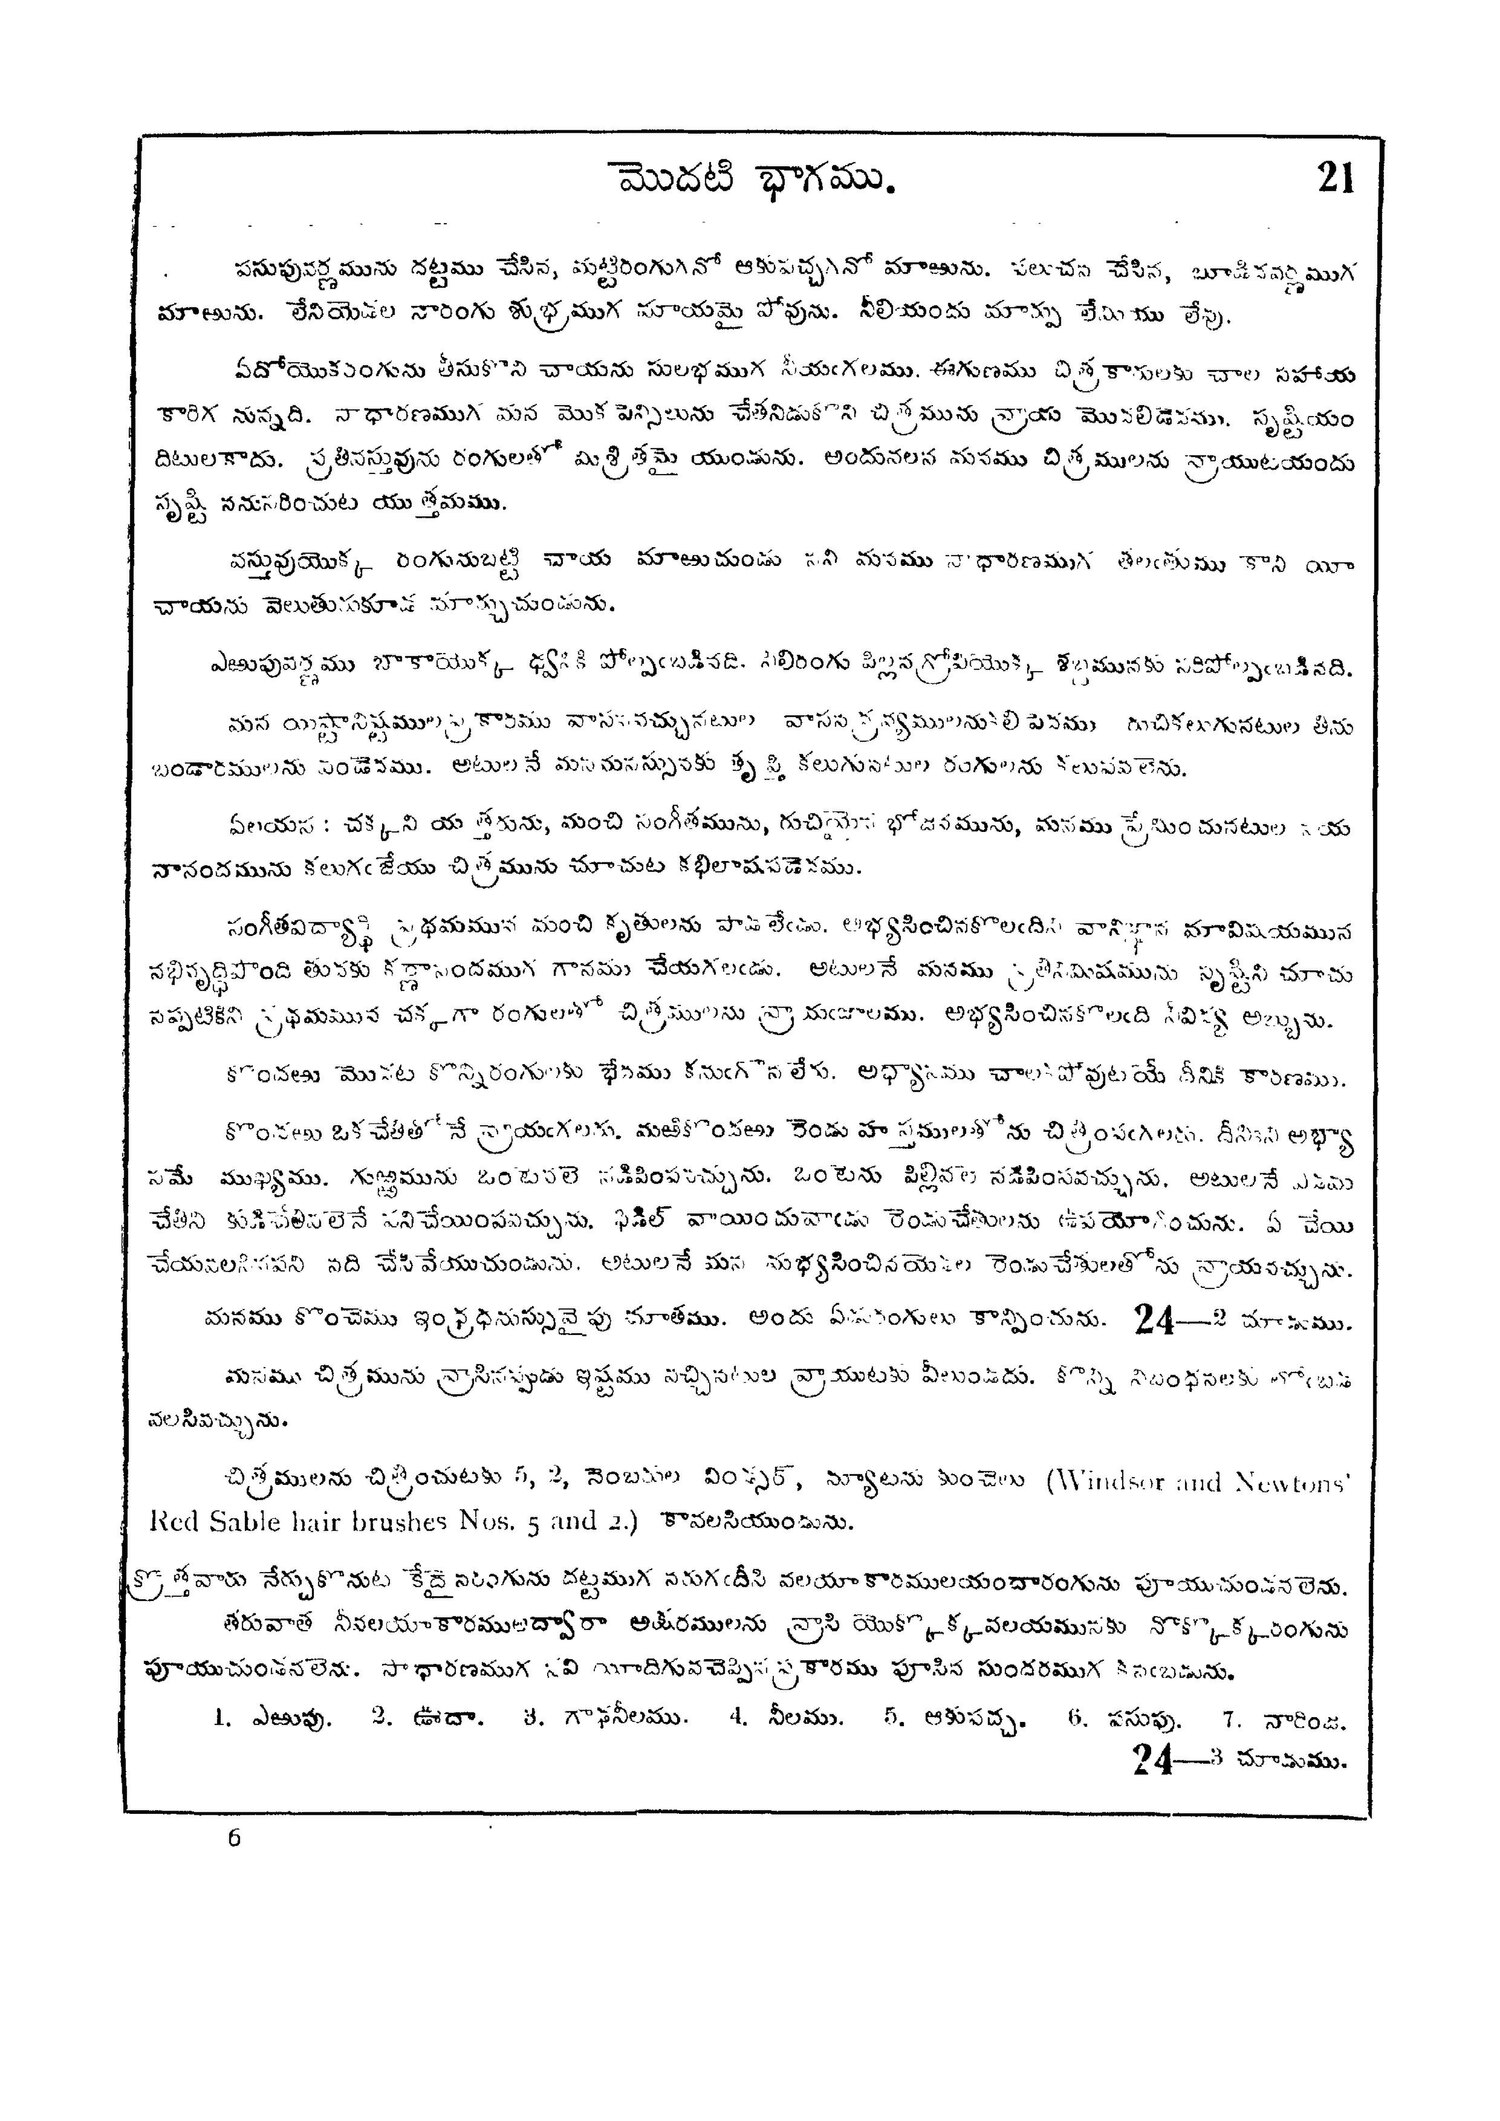పసుపువర్ణమును దట్టము చేసిన, మట్టిరంగుగనో ఆకుపచ్చగనో మాఱును. పలుచన చేసిన, బూడిదవర్ణముగ మాఱును. లేనియెడల నారంగు శుభ్రముగ మాయమై పోవును. నీలియందు మార్పు లేమియు లేవు.

ఏదోయొకరంగును తీసుకొని చాయను సులభముగ నీయగలము. ఈగుణము చిత్రకారులకు చాల సహాయకారిగా నున్నది. సాధారణముగ మన మొక పెన్సిలును చేతనిడుకొని చిత్రమును వ్రాయ మొదలిడిదము. సృష్టియందిటులకాదు. ప్రతివస్తువును రంగులతో మిశ్రితమై యుండును. అందువలన మనము చిత్రములను వ్రాయుటయందు సృష్టి ననుసరించుట యుత్తమము.

వస్తువుయొక్క రంగునుబట్టి చాయ మాఱుచుండు నని మనము సాధారణముగ తలతుము కాని యీ చాయను వెలుతురుకూడ మార్చుచుండును. 

ఎఱుపువర్ణము బాకాయొక్క ధ్వనికి పోల్పబడినది. నీలిరంగు పిల్లనగ్రోవియొక్క శబ్దమునకు సరిపోల్పబడినది. 

మన యిష్టానిష్టములప్రకారము వాసనవచ్చునటుల వాసనద్రవ్యములనుకలిపెదము రుచికలుగునటుల తిను బండారములను వండెదము. అటులనే మనమనస్సునకు తృప్తి కలుగునటుల రంగులను కలుపవలెను.

ఏలయన: చక్కని యత్తరును, మంచి సంగీతమును, రుచియైన భోజనమును, మనముప్రేమించునటుల నయనానందమును కలుగజేయు చిత్రమును చూచుట కభిలాషపడెదము. 

సంగీతవిద్యార్థి ప్రథమమున మంచి కృతులను పాడలేడు. అభ్యసించినకొలది వానిజ్ఞాన మావిషయమున నభివృద్ధిపొంది తుదకు కర్ణానందముగ గానము చేయగలడు. అటులనే మనము ప్రతినిముషమును సృష్టిని చూచునప్పటికిని ప్రథమమున చక్కగా రంగులతో చిత్రములను వ్రాయజాలము. అభ్యసించినకొలది నీవిద్య అబ్బును.

కొందఱు మొదట కొన్నిరంగులకు భేదము కనుగొనలేరు. అభ్యాసము చాలకపోవుటయే దీనికి కారణము.

కొందఱు ఒకచేతితోనే వ్రాయగలరు. మఱికొందఱు రెండు హస్తములతోను చిత్రింపగలరు. దీనికని అభ్యాసమే ముఖ్యము. గుఱ్ఱమును ఒంటెవలె నడిపింపవచ్చును. ఒంటెను పిల్లివలె నడిపింపవచ్చును. అటులనే ఎడమచేతిని కుడిచేతివలెనే పనిచేయింపవచ్చును. ఫిడిల్ వాయించువాడు రెండుచేతులను ఉపయోగించును. ఏ చేయి చేయవలసినపని నది చేసివేయుచుండును. అటులనే మన మభ్యసించినయెడల రెండుచేతులతోను వ్రాయవచ్చును. 

మనము కొంచెము ఇంధ్రధనస్సువైపు చూతము. అందు ఏడురంగులు కాన్పించును. 24 - 2 చూడుము.

మనము చిత్రమును వ్రాసినప్పుడు ఇష్టము వచ్చినటుల వ్రాయుటకు వీలుండదు. కొన్ని నిబంధనలకు లోబడవలసివచ్చును.

చిత్రములను చిత్రించుటకు 5, 2, నెంబరుల విండ్సర్, న్యూటను కుంచెలు (Windsor and Newtons' Red Sable hair brushes Nos. 5 and 2.) కావలసియుండును.

క్రొత్తవారు నేర్చుకొనుట కేదైనరంగును దట్టముగ నరుగదీసి వలయాకారములయందారంగును పూయుచుండవలెను. తరువాత నీవలయాకారములద్వారా అక్షరములను వ్రాసి యొక్కొక్కవలయమునకు నొక్కొక్కరంగును పూయుచుండవలెను. సాధారణముగ నని యీదిగువచెప్పినప్రకారము పూసిన సుందరముగ కనబడును.

1. ఎఱుపు. 2.ఊదా. 3. గాఢనీలము. 4. నీలము. 5. ఆకుపచ్చ. 6. పసుపు. 7. నారింజ. 

24 - 3 చూడుము.